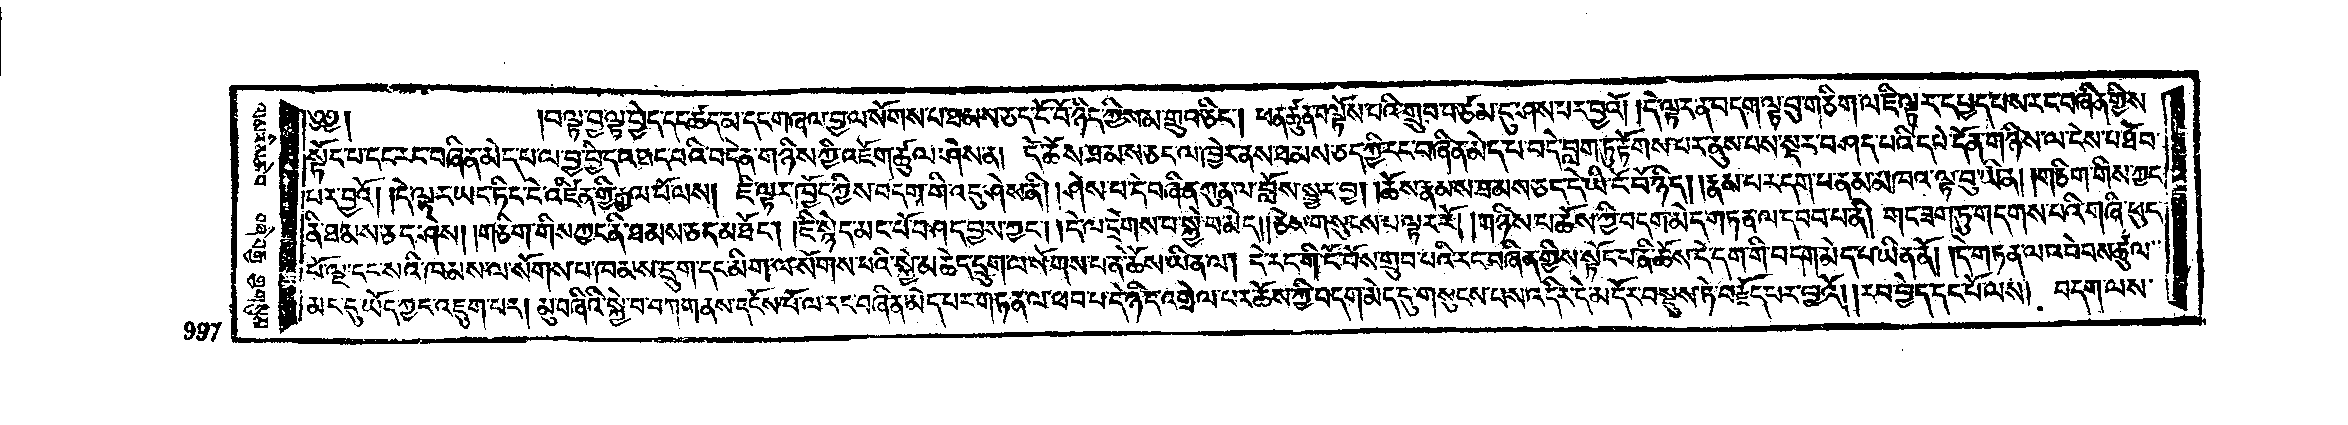༄༅། །བལྟ་བྱ་ལྟ་བྱེད་དང་ཚད་མ་དང་གཞལ་བྱ་ལ་སོགས་པ་ཐམས་ཅད་ངོ་བོ་ཉིད་ཀྱིས་མ་གྲུབ་ཅིང་། ཕན་ཚུན་བལྟོས་པའི་གྲུབ་པ་ཙམ་དུ་ཤེས་པར་བྱའོ། །དེ་ལྟར་ན་བདག་ལྟ་བུ་གཅིག་ལ་ཇི་ལྟར་དཔྱད་པས་རང་བཞིན་གྱིས་
སྟོང་པ་དང་རང་བཞིན་མེད་པ་ལ་བྱ་བྱེད་འཐད་པའི་བདེན་གཉིས་ཀྱི་འཇོག་ཚུལ་ཤེས་ན། དེ་ཆོས་ཐམས་ཅད་ལ་ཁྱེར་ནས་ཐམས་ཅད་ཀྱི་རང་བཞིན་མེད་པ་བདེ་བླག་ཏུ་རྟོགས་པར་ནུས་པས་སྔར་བཤད་པའི་དཔེ་དོན་གཉིས་ལ་ངེས་པ་ཐོབ་
པར་བྱའོ། །དེ་ལྟར་ཡང་ཏིང་ངེ་འཛིན་གྱི་རྒྱལ་པོ་ལས། ཇི་ལྟར་ཁྱོད་ཀྱིས་བདག་གི་འདུ་ཤེས་ནི། །ཤེས་པ་དེ་བཞིན་ཀུན་ལ་བློས་སྦྱར་བྱ། །ཆོས་རྣམས་ཐམས་ཅད་དེ་ཡི་ངོ་བོ་ཉིད། །རྣམ་པར་དག་པ་ནམ་མཁའ་ལྟ་བུ་ཡིན། །གཅིག་གིས་ཀྱང་
ནི་ཐམས་ཅད་ཤེས། །གཅིག་གིས་ཀྱང་ནི་ཐམས་ཅད་མཐོང་། །ཇི་སྙེད་མང་པོ་བཤད་བྱས་ཀྱང་། །དེ་ལ་དྲེགས་པ་སྐྱེ་བ་མེད། །ཅེས་གསུངས་པ་ལྟར་རོ། །གཉིས་པ་ཆོས་ཀྱི་བདག་མེད་གཏན་ལ་དབབ་པ་ནི། གང་ཟག་ཏུ་གདགས་པའི་གཞི་ཕུང་
པོ་ལྔ་དང་སའི་ཁམས་ལ་སོགས་པ་ཁམས་དྲུག་དང་མིག་ལ་སོགས་པའི་སྐྱེ་མཆེད་དྲུག་ལ་སོགས་པ་ནི་ཆོས་ཡིན་ལ། དེ་རང་གི་ངོ་བོས་གྲུབ་པའི་རང་བཞིན་གྱིས་སྟོང་བ་ནི་ཆོས་དེ་དག་གི་བདག་མེད་པ་ཡིན་ནོ། །དེ་གཏན་ལ་འབེབས་ཚུལ་
མང་དུ་ཡོད་ཀྱང་འཇུག་པར། མུ་བཞིའི་སྐྱེ་བ་བཀག་ནས་དངོས་པོ་ལ་རང་བཞིན་མེད་པར་གཏན་ལ་ཕབ་པ་དེ་ཉིད་འགྲེལ་པར་ཆོས་ཀྱི་བདག་མེད་དུ་གསུངས་པས་འདིར་དེ་མདོར་བསྡུས་ཏེ་བརྗོད་པར་བྱའོ། །རབ་བྱེད་དང་པོ་ལས། བདག་ལས་